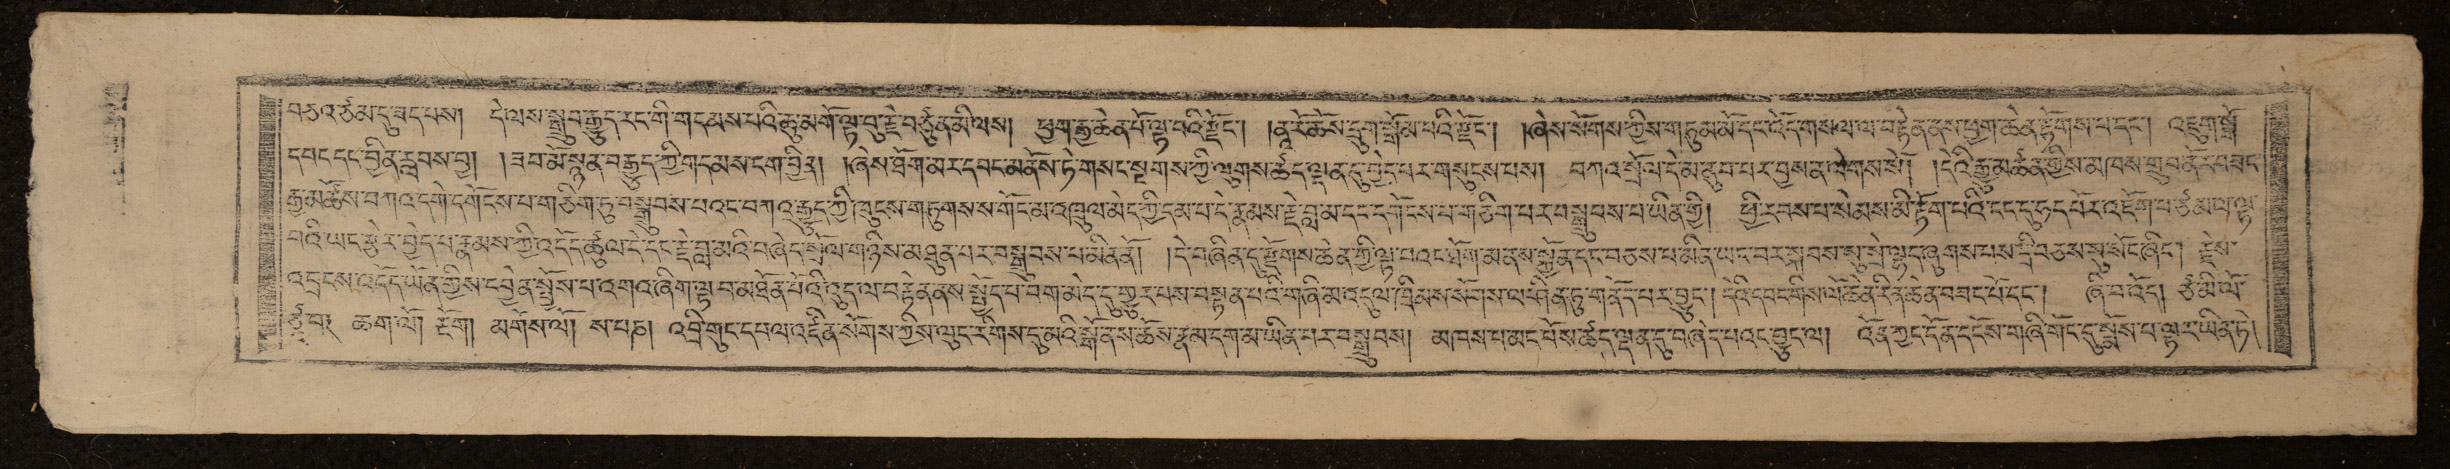བཅའ་ཙམ་དུ་ཟད་པས། དེ་ལས་སྒྲུབ་རྒྱུད་རང་གི་གདམས་པའི་ཆུ་མགོ་ལྟ་བུ་རྗེ་བཙུན་མི་ལས། ཕྱག་རྒྱ་ཆེན་པོ་ལྟ་བའི་རྫོང་། །ནཱ་རོ་ཆོས་དྲུག་སྒོམ་པའི་རྫོང་། །ཞེས་སོགས་ཀྱིས་གཏུམ་མོད་བ་འོད་གསལ་ལ་བརྟེན་ནས་ཕྱག་ཆེན་རྟོགས་པ་དང་། འཇུག་སྒོ་
དབང་དང་བྱིན་རླབས་བྱ། །ཟབ་མོ་སྙན་བརྒྱུད་ཀྱི་གདམས་ངག་བྱིན། །ཞེས་ཐོག་མར་དབང་མནོས་ཏེ་གསང་སྔགས་ཀྱི་ལུགས་ཚད་ལྡན་དུ་བྱེད་པར་གསུངས་པས། བཀའ་སྲོལ་དེ་མ་ནུབ་པར་བྱས་ན་ལེགས་སོ། །དེའི་རྒྱུ་མཚན་གྱིས་མཁས་གྲུབ་ནོར་བཟང་
རྒྱ་མཚོས་བཀའ་དགེ་དགོངས་པ་གཅིག་ཏུ་བསྒྲུབས་པའང་བཀའ་བརྒྱུད་ཀྱི་ཁུངས་གཏུགས་ས་གོང་མ་འཁྲུལ་མེད་ཀྱི་དམ་བ་དེ་རྣམས་རྗེ་བླ་མ་དང་དགོངས་བ་གཅིག་བར་བསྒྲུབས་པ་ཡིན་གྱི། ཕྱི་རབས་བ་སེམས་མི་རྟོག་པའི་ངང་དུ་ཧད་པོར་འཇོག་བ་ཙམ་ལ་ལྟ་
བའི་ཡང་རྩེར་བྱེད་པ་རྣམས་ཀྱི་འདོད་ཚུལ་དེ་དང་རྗེ་བླ་མའི་བཞེད་སྲོལ་གཉིས་མཐུན་པར་བསྒྲུབས་པ་མིན་ནོ། །དེ་བཞིན་དུ་རྫོགས་ཆེན་གྱི་ལྟ་བའང་ཐོག་མ་ནས་སྐྱོན་དང་བཅས་པ་མིན་ཡང་བར་སྐབས་སུ་སྲེ་ལྷད་ཞུགས་བས་དྲི་བཅས་སུ་སོང་ཞིང་། རྗེས་
འབྲངས་འདོད་ཡོན་གྱིས་དབྱེན་སྦྱོས་པ་འགའ་ཞིག་ལྟ་བ་མཐོན་པོའི་འུད་ལ་བརྟེན་ནས་སྤྱོད་པ་བག་མེད་དུ་གྱུར་པས་བསྟན་པའི་གཞི་མ་འདུལ་ཁྲིམས་སོགས་ལ་ཤིན་ཏུ་གནོད་པར་བྱུང་། དེའི་དབང་གིས་ལོ་ཆེན་རིན་ཆེན་བཟང་པོ་དང་། ཞི་བ་འོད། ཙ་མི་ལོ་
ཙཱ་བ། ཆག་ལོ། རྔོག། མགོས་ལོ། ས་པཎ། འབྲི་གུང་དཔལ་འཛིན་སོགས་ཀྱིས་ལུང་རིགས་དུ་མའི་སྒོ་ནས་ཆོས་རྣམ་དག་མ་ཡིན་པར་བསྒབས། མཁས་པ་མང་པོས་ཚད་ལྡན་དུ་བཞེད་བའང་བྱུང་ལ། འོན་ཀྱང་དོན་དངོས་གཞི་གོང་དུ་སྨོས་པ་ལྟར་ཡིན་ཏེ།